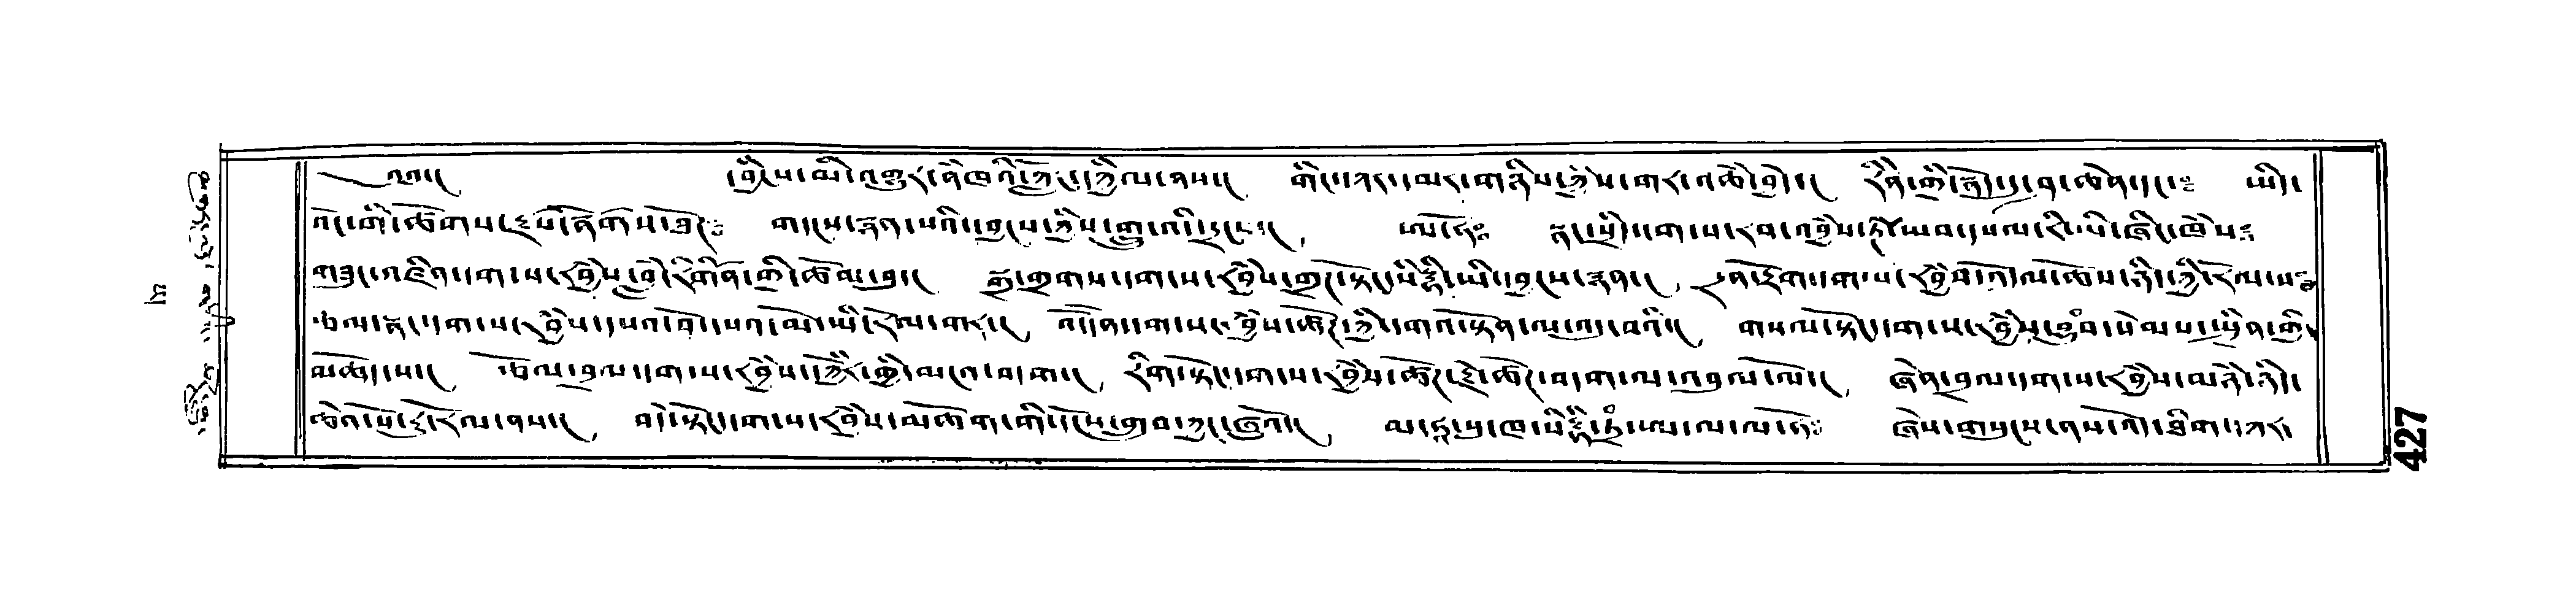དབྱིངས་མི་འགྱུར་ནམ་མཁའི་ཀློང་དཀྱིལ་ནས། །གིང་དཀར་དམར་གཉིས་ཀྱིས་གར་འཆམ་བྱེད། །རིན་ཆེན་གྱི་སྣོད་དུ་ཤ་ཆེན་དང་། །ཡིད་
འོང་གི་ཚོགས་རྫས་སྣ་ཚོགས་ཐོགས། །གདངས་སྙན་པའི་དབྱངས་ཀྱིས་གླུ་འདི་དྲངས། ཨ་ཧོ། སྣང་སྲིད་དག་པ་རབ་འབྱམས་རྔ་ཡབ་དཔལ་རི་ཡི་ཞིང་ཁམས། །
གཟུང་འཛིན་དག་པ་རབ་འབྱམས་བླ་མ་རིག་འཛིན་གྱི་ཚོམ་བུ། །སྒྲ་གྲགས་དག་པ་རབ་འབྱམས་གྲགས་སྟོང་སིདྡྷི་ཡི་དབྱངས་སྙན། དྲན་རྟོག་དག་པ་རབ་འབྱམས་འོད་གསལ་ཆོས་ཉིད་ཀྱི་རོལ་པ། །
རྩལ་སྣང་དག་པ་རབ་འབྱམས་དཔའ་བོ་དཔའ་མོ་ཡི་རོལ་གར། །འདོད་དོན་དག་པ་རབ་འབྱམས་ཚོགས་ཀྱི་དགའ་སྟོན་ལ་འདུ་བའི། །གསལ་སྟོང་དག་པ་རབ་འབྱམས་བྱང་ཆུབ་སེམས་སྤྲིན་གྱི་
མཆོད་པ། །རྩོལ་བྲལ་དག་པ་རབ་འབྱམས་དཀྱིལ་འཁོར་གྱི་མངའ་བདག །རིག་སྟོང་དག་པ་རབ་འབྱམས་ཚོགས་རྗེ་ཚོགས་བདག་ལ་འབུལ་ལོ། །ཞེན་བྲལ་དག་པར་རབ་འབྱམས་མཉམ་ཉིད་
ཆེན་པོ་རུ་རོལ་ནས། །བདེ་སྟོང་དག་པ་རབ་འབྱམས་མཆོག་གི་དངོས་གྲུབ་ཀྱང་ཞུའོ། མ་ཧཱ་སུ་ཁ་སིདྡྷི་ཏྲཾ་ཨ་ལ་ལ་ཧོ། ཞེས་གསུངས་ནས་འོད་ཐིག་དཀར་